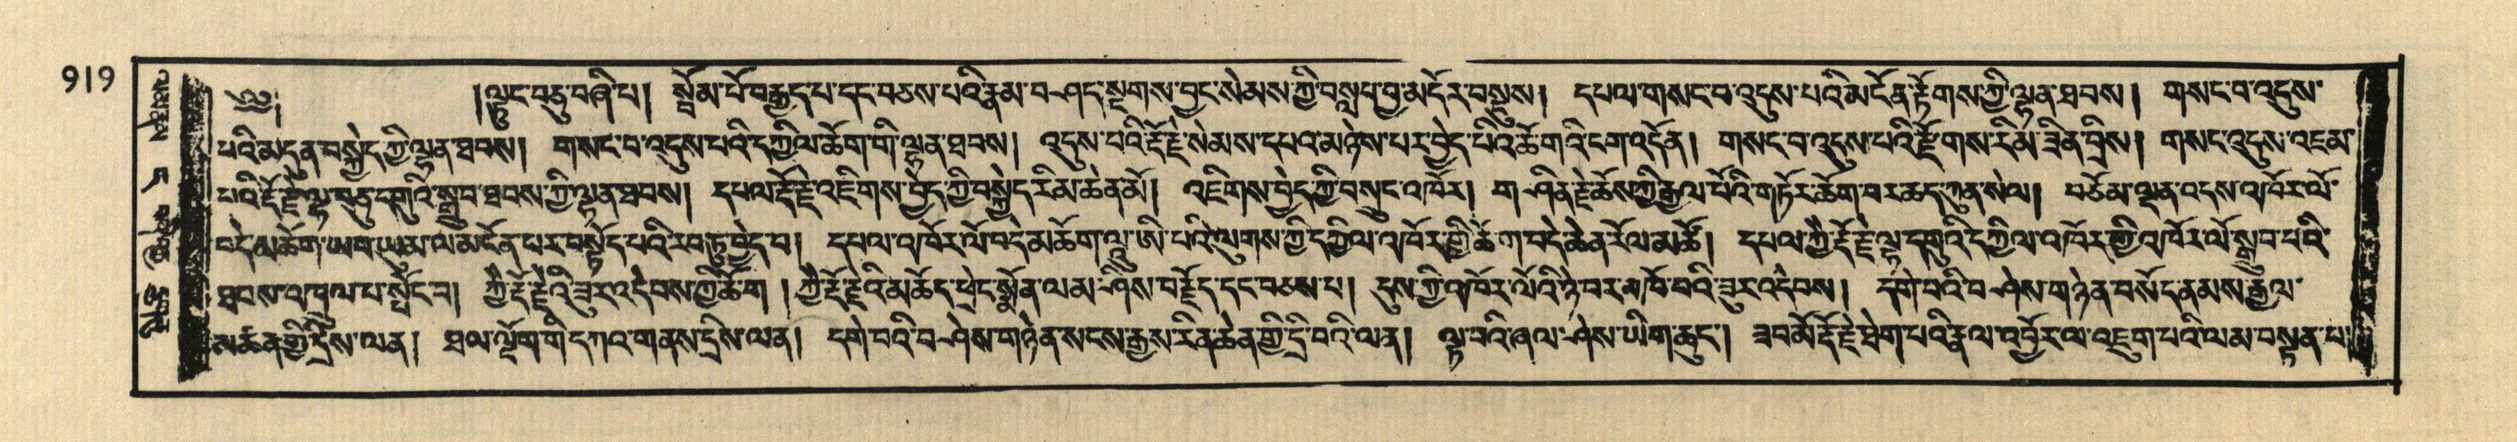༄༅། །ལྟུང་བཅུ་བཞི་པ། སྦོམ་པོ་བརྒྱད་པ་དང་བཅས་པའི་རྣམ་བཤད་སྔགས་བྱང་སེམས་ཀྱི་བསླབ་བྱ་མདོར་བསྡུས། དཔལ་གསང་བ་འདུས་པའི་མངོན་རྟོགས་ཀྱི་ལྷན་ཐབས། གསང་བ་འདུས་
པའི་མདུན་བསྐྱེད་ཀྱི་ལྷན་ཐབས། གསང་བ་འདུས་པའི་དཀྱིལ་ཆོག་གི་ལྷན་ཐབས། འདུས་པའི་རྡོ་རྗེ་སེམས་དཔའ་མཉེས་པར་བྱེད་པའི་ཆོ་གའི་ངག་འདོན། གསང་བ་འདུས་པའི་རྫོགས་རིམ་ཟིན་བྲིས། གསང་བ་འདུས་འཇམ་
པའི་རྡོ་རྗེ་ལྷ་བཅུ་དགུའི་སྒྲུབ་ཐབས་ཀྱི་ལྷན་ཐབས། དཔལ་རྡོ་རྗེ་འཇིགས་བྱེད་ཀྱི་བསྐྱེད་རིམ་ཆེན་མོ། འཇིགས་བྱེད་ཀྱི་བསྲུང་འཁོར། གཤིན་རྗེ་ཆོས་ཀྱི་རྒྱལ་པོའི་གཏོར་ཆོག་བར་ཆད་ཀུན་སེལ། བཅོམ་ལྡན་འདས་འཁོར་ལོ་
བདེ་མཆོག་ཡབ་ཡུམ་ལ་མངོན་པར་བསྟོད་པའི་རབ་ཏུ་བྱེད་པ། དཔལ་འཁོར་ལོ་བདེ་མཆོག་ལཱུ་ཨི་པའི་ལུགས་ཀྱི་དཀྱིལ་འཁོར་གྱི་ཚེ་ག་བདེ་ཆེན་རོལ་མཚོ། དཔལ་ཀྱཻ་རྡོ་རྗེ་ལྷ་དགུའི་དཀྱིལ་འཁོར་གྱི་འཁོར་ལོ་སྒྲུབ་པའི་
ཐབས་འཁྲུལ་པ་སྤོང་བ། ཀྱཻ་རྡོ་རྗེའི་ཟུར་འདེབས་ཀྱི་ཆོ་ག། ཀྱཻ་རྡོ་རྗེའི་མཆོད་ཕྲེང་སྨོན་ལམ་ཤིས་བརྗོད་དང་བཅས་པ། དུས་ཀྱི་འཁོར་ལོའི་ཉེ་བར་མཁོ་བའི་ཟུར་འདེབས། དགེ་བའི་བཤེས་གཉེན་བསོད་ནམས་རྒྱལ་
མཚན་གྱི་དྲིས་ལན། ཐལ་ལྡོག་གི་དཀའ་གནས་དྲིས་ལན། དགེ་བའི་བཤེས་གཉེན་སངས་རྒྱས་རིན་ཆེན་གྱི་དྲི་བའི་ལན། ལྟ་བའི་ཞལ་ཤེས་ཡིག་ཆུང་། ཟབ་མོ་རྡོ་རྗེ་ཐེག་པའི་རྣལ་འབྱོར་ལ་འཇུག་པའི་ལམ་བསྟན་པ་